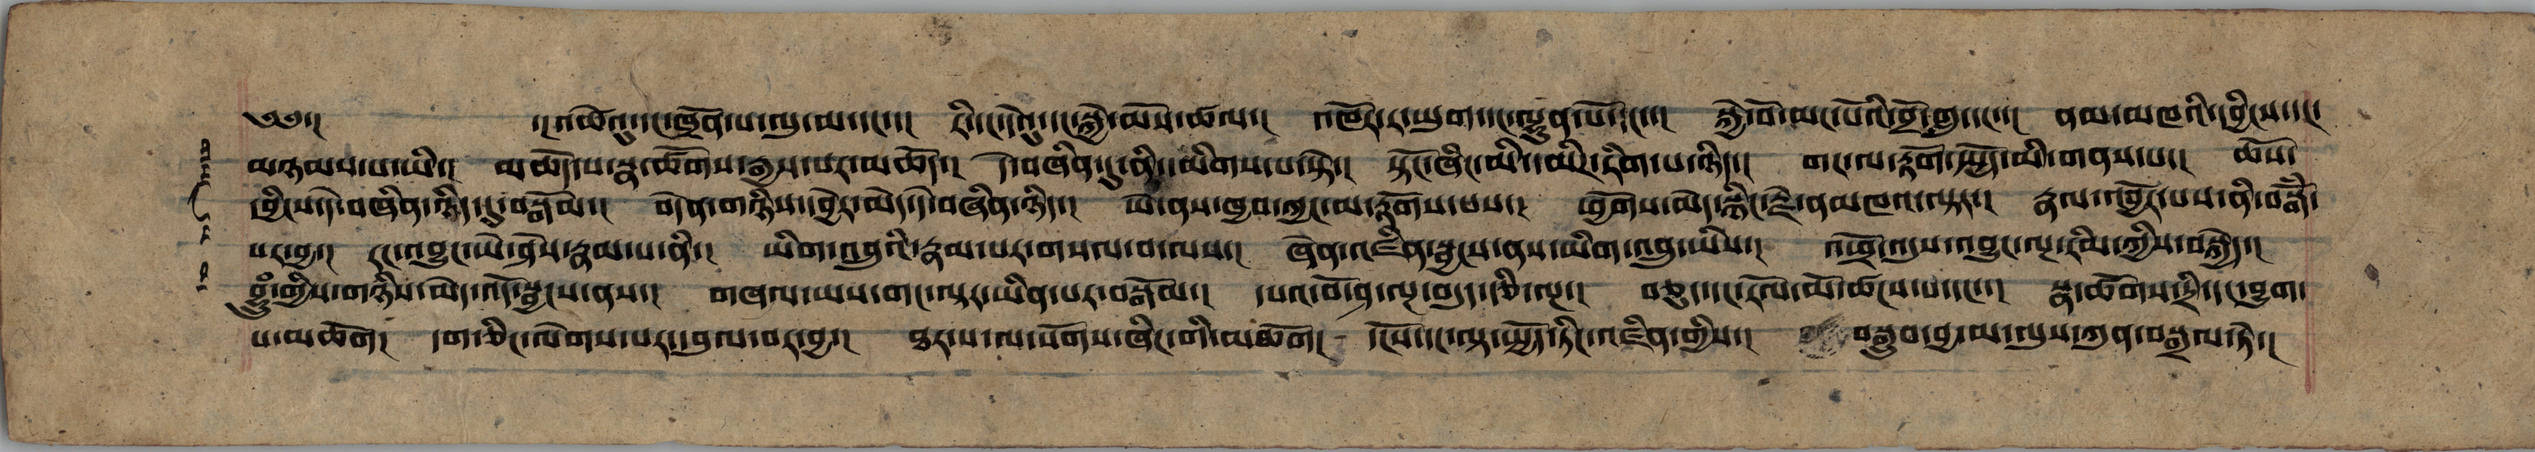༄༅་། ་།འཚེའུ་དང་ཁྲོན་པ་ལུ་མ་དང་་། རི་དང་དེའུ་དང་སྐྱེ་མོས་ཚལ་། འཁོར་ར་ཡུག་དང་ལྷུན་པོ་དང་་། སྐྱེ་བོ་མང་པོའི་བྲོ་གླུ་དང་་། ནམ་མཁའི་དབྱིངས་དང་
མཉམས་པ་ཡི་། མཆོད་པ་སྣ་ཚོགས་རྒྱས་པར་མཆོད་། དེ་བཞིན་དུ་ནི་དམིགས་པ་སྟེ་། སྟོང་ཞིང་མི་དམིཌ་རིག་པ་ཉིད་། གར་ལ་རྟོག་སྤྱོད་མི་གནས་པ་། ཆོས་
དབྱིངས་དེ་བཞིན་ཉིད་དུ་བསྒོམ་། བདེན་གཉིས་དབྱེར་མེད་དེ་བཞིན་ཉིད་། ཡེ་ནས་ཁྱབ་ཀྱང་མ་རྟོགས་པས་། ཕྱོགས་མེད་སྙིང་རྗེ་ནམཁའ་ལྟར་། རྣལ་འབྱོར་པས་ནི་བསྒོཾ་
པར་བྱ་། རང་འབྱུང་ཡེ་ཤེས་རྣམ་པ་ནི་། ཡིག་འབྲུའི་རྣམ་པར་གསལ་བ་ལས་། ཞེན་འཛིན་སྦྱངས་ནས་ཡིག་འབྲུ་ཡིས་། འཕྲོ་འདུས་འབྱུང་ལྔ་རིམ་ཀྱིས་བསྐྱེད་།
བྷྲུཾ་གྱིས་གཉིས་མེད་འོད་སྦྱངས་ནས་། གཞལ་ཡས་གང་ལྟར་ཡིན་པར་བསྒོམ་། དཔའ་བོ་ཤ་ལྔ་བདུད་རྩི་ལྔ་། བཅུད་དང་རོལ་མོ་ཚངས་པ་དང་་། སྣ་ཚོགས་དྲི་དང་བྱུག་
པ་མཆོག། དག་ཅིང་ལེགས་པར་དབུལ་བར་བྱ་། ཐར་པ་ལ་སོགས་ཞིང་གི་མཆོག། དངོས་དང་ལྟ་སྤྱོད་ཏིང་འཛིན་གྱིས་། བསྒྲུབ་བྱ་མ་ལུས་ཀུན་བསྒྲལ་ཏེ་།